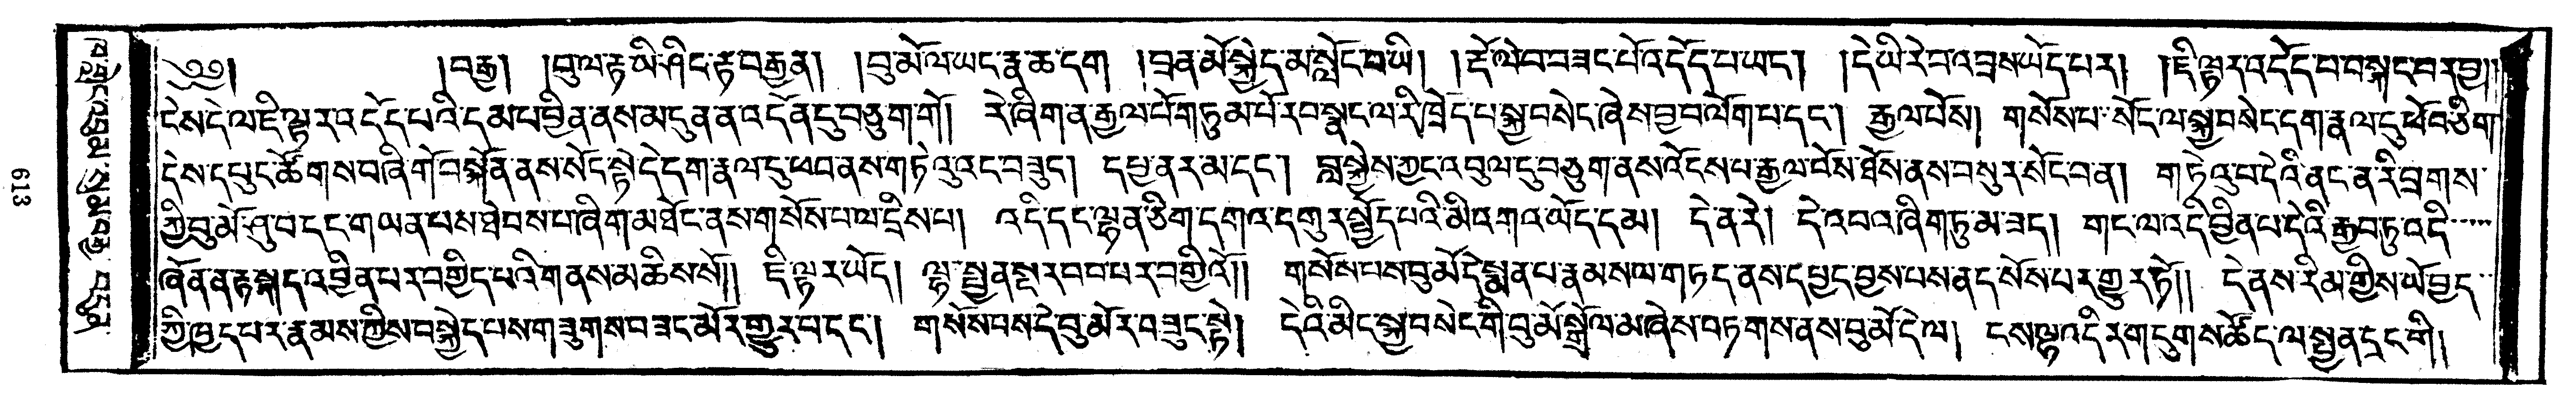༄༅། །བརྒྱ། །བུ་ལ་རྟ་ཡི་ཤིང་རྟ་བརྒྱན། །བུ་མོ་ལ་ཡང་རྣ་ཆ་དག །བྲན་མོ་སྐྱེད་མ་སློང་བ་ཡི། །རྡོ་ལེབ་བཟང་པོ་འདོད་པ་ཡང་། །དེ་ཡི་རེ་བ་འབྲས་ཡོད་པར། །ཇི་ལྟར་འདོད་པ་བསྐང་བར་བྱ།།
ངེས་དེ་ལ་ཇི་ལྟར་འདོད་པའི་དམ་པ་བྱིན་ནས་མདུན་ན་འདོན་དུ་བཅུག་གོ། རེ་ཞིག་ན་རྒྱལ་པོ་གཏུམ་པོ་རབ་སྣང་ལ་རི་ཁྲོད་པ་སྐྱ་བསེང་ཞེས་བྱ་བ་ལོག་པ་དང་། རྒྱལ་པོས། གསོས་པ་སོང་ལ་སྐྱབ་སེང་དག་རྣལ་དུ་ཕོབ་ཅིག་
དེས་དཔུང་ཚོགས་བཞི་གོ་བསྐོན་ནས་སོང་སྟེ་དེ་དག་རྣལ་དུ་ཕབ་ནས་གཏེའུ་འང་བཟུང་། དཔྱ་ནར་མ་དང་། བླ་སྐྱེས་ཀྱང་འབུལ་དུ་བཅུག་ནས་འོངས་པ་རྒྱལ་པོས་ཐོས་ནས་བསུར་སོང་བ་ན། གཏེའུ་པ་དེའི་ནང་ན་རི་བྲགས་
ཀྱི་བུ་མོ་ཤུ་བ་དང་གཡན་པས་ཐེབས་པ་ཞིག་མཐོང་ནས་གསོས་པ་ལ་དྲིས་པ། འདི་དང་ལྷན་ཅིག་དགའ་དགུར་སྤྱོད་པའི་མི་འགའ་ཡོད་དམ། དེ་ན་རེ། དེ་འབའ་ཞིག་ཏུ་མ་ཟད། གང་ལ་འདི་བྱིན་པ་དེའི་རྒྱབ་ཏུ་འདི་
ཞོན་ན་རྟ་སྐད་འབྱིན་པར་བགྱིད་པའི་གནས་མཆིས་སོ།། ཇི་ལྟར་ཡོད། ལྷ་སྤྱན་སྔར་བབ་པར་བགྱིའོ།། གསོས་པས་བུ་མོ་དེ་སྨན་པ་རྣམས་ལ་གཏད་ནས་དཔྱད་བྱས་པས་ནད་སོས་པར་གྱུར་ཏོ།། དེ་ནས་རིམ་གྱིས་ཡོ་བྱད་
ཀྱི་ཁྱད་པར་རྣམས་ཀྱིས་བསྐྱེད་པས་གཟུགས་བཟང་མོར་གྱུར་པ་དང་། གསོས་པས་དེ་བུ་མོར་བཟུང་སྟེ། དེའི་མིང་སྐྱབ་སེང་གི་བུ་མོ་སྒྲོལ་མ་ཞེས་བཏགས་ནས་བུ་མོ་དེ་ལ། ངས་ལྷ་འདིར་གདུགས་ཚོད་ལ་སྤྱན་དྲང་གི།